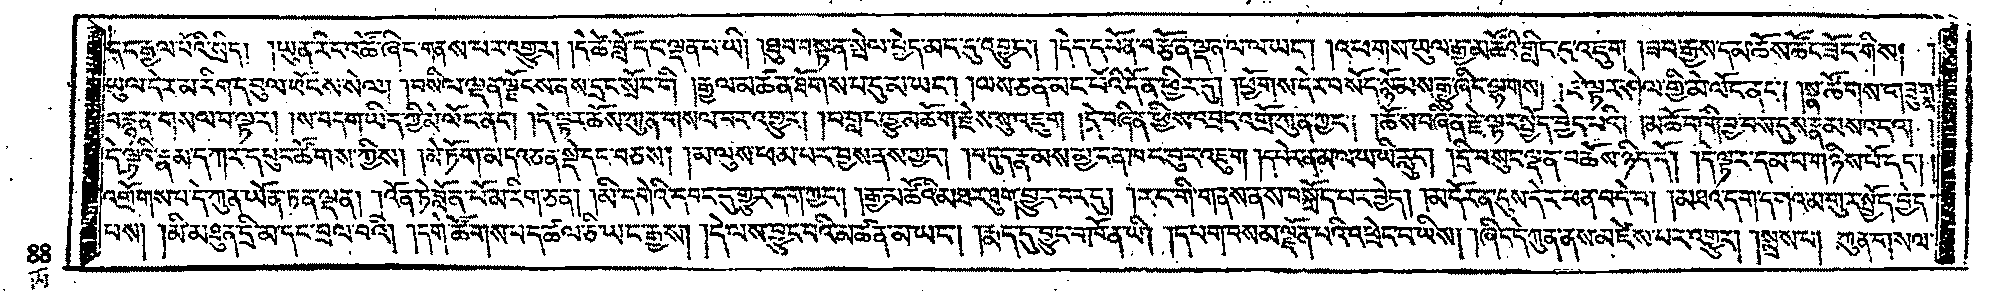དང་རྒྱལ་པོའི་སྲིད། །ཡུན་རིང་འཚོ་ཞིང་གནས་པར་འགྱུར། །དེ་ཚེ་བློ་དང་ལྡན་པ་ཡི། །ཐུབ་བསྟན་སྤེལ་བྱེད་མང་དུ་འབྱུང་། །དེད་དཔོན་བརྩོན་ལྡན་ལ་ལ་ཡང་། །འཕགས་ཡུལ་རྒྱ་མཚོའི་གླིང་དུ་འཇུག །ཟབ་རྒྱས་དམ་ཆོས་ཚོང་ཟོང་གིས། །
ཡུལ་དེར་མ་རིག་དབུལ་ཕོངས་སེལ། །བསིལ་ལྡན་ལྗོངས་ནས་དྲང་སྲོང་གི །རྒྱལ་མཚན་ཐོགས་པ་དུ་མ་ཡང་། །ལས་ཅན་མང་པོའི་དོན་ཕྱིར་དུ། །ཕྱོགས་དེར་བསོད་སྙོམས་རྒྱུ་ཞིང་ལྷགས། །ཇི་ལྟར་ཤེལ་གྱི་མེ་ལོང་ནང་། །སྣ་ཚོགས་གཟུགས་
བརྙན་གསལ་བ་ལྟར། །ས་བདག་ཡིད་ཀྱི་མེ་ལོང་ནང་། །དེ་ལྟར་ཆོས་ཀུན་གསལ་བར་འགྱུར། །བ་གླང་ཁྱུ་མཆོག་རྗེས་སུ་འཇུག །དེ་བཞིན་ཕྱིས་འབྲང་འགྲོ་ཀུན་ཀྱང་། །ཆོས་བཞིན་རྗེ་ལྟར་སྤྱོད་བྱེད་པའི། །མཆོག་གི་བྱ་བས་དུས་རྣམས་འདའ། །
དེ་ལྟའི་རྣམ་དཀར་དཔུང་ཚོགས་ཀྱིས། །མེ་ཏོག་མདའ་ཅན་སྡེ་དང་བཅས། །མ་ལུས་ཕམ་པར་བྱས་ནས་ཀྱང་། །བདུད་རྣམས་མྱ་ངན་ཁང་བུར་འཇུག །དཔེར་ན་མ་ལ་ཡ་ཡི་རླུང་། །དྲི་བསུང་ལྡན་པ་ཆོས་ཉིད་དོ། །དེ་ལྟར་དམ་པ་གཉིས་པོ་དང་། །
འགྲོགས་པ་དེ་ཀུན་ཡོན་ཏན་ལྡན། །འོན་ཏེ་བློན་པོ་མ་རིག་ཅན། །མི་དགེའི་དབང་དུ་གྱུར་དག་ཀྱང་། །རྒྱ་མཚོའི་མཐར་ཐུག་གྱུར་བར་དུ། །རང་གི་གནས་ནས་བསྐྲོད་པར་བྱེད། །མདོར་ན་དུས་དེར་ཕན་བདེ་བ། །མཐའ་དག་དགའ་མགུར་སྤྱོད་བྱེད་
པས། །མི་མཐུན་དྲི་མ་དང་བྲལ་བའི། །དགེ་ཚོགས་པད་ཚལ་ཅི་ཡང་རྒྱས། །དེ་ལས་བྱུང་བའི་མཚན་མ་ཡང་། །རྨད་དུ་བྱུང་བ་ཁོ་ན་ཡི། །དཔག་བསམ་ལྗོན་པའི་འཕྲེང་བ་ཡིས། །ཞིང་དེ་ཀུན་ནས་མཛེས་པར་འགྱུར། །སྨྲས་པ། ཀུན་གསལ་